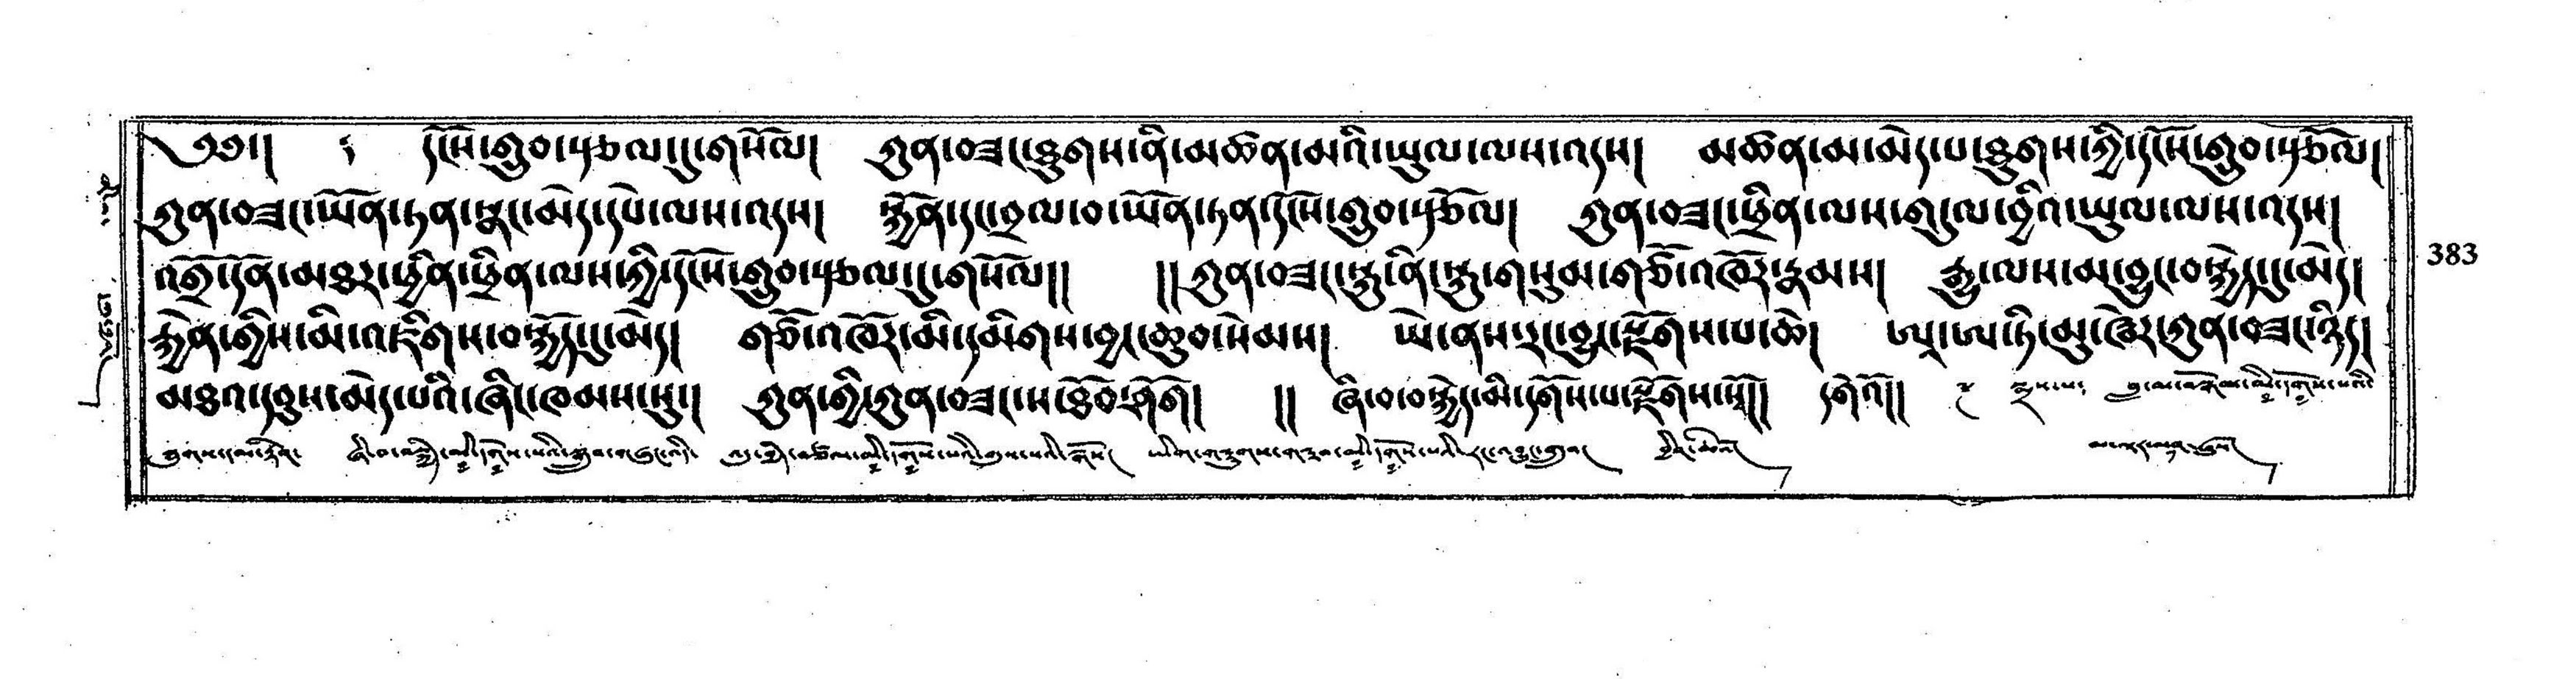དངོས་གྲུབ་སྩལ་དུ་གསོལ། ཀུན་བཟང་ཐུགས་ནི་མཚན་མའི་ཡུལ་ལས་འདས། མཚན་མ་མེད་པ་ཐུགས་ཀྱི་དངོས་གྲུབ་སྩོལ། 
ཀུན་བཟང་ཡོན་ཏན་སྣང་མེད་དཔེ་ལས་འདས། སྐྱོན་དང་བྲལ་བ་ཡོན་ཏན་དངོས་གྲུབ་སྩོལ། ཀུན་བཟང་ཕྲིན་ལས་གདུལ་བྱའི་ཡུལ་ལས་འདས། 
འགྲོ་དོན་མཐར་ཕྱིན་ཕྲིན་ལས་ཀྱི་དངོས་གྲུབ་སྩལ་དུ་གསོལ།། །།ཀུན་བཟང་སྐུ་ནི་སྐུ་གསུམ་གཙོ་འཁོར་རྣམས། རྒྱུ་ལས་མ་བྱུང་བསྐྱེད་དུ་མེད། 
རྐྱེན་གྱིས་མི་འཇིགས་བསྐྱོད་དུ་མེད། གཙོ་འཁོར་མི་དམིགས་བྱང་ཆུབ་སེམས། ཡེ་ནས་རང་བྱུང་རྫོགས་པ་ཆེ། ཨཱ་ཨ་ཏི་མུ་ཝེར་ཀུན་བཟང་ཉིད། 
མཐའ་དབུས་མེད་པའི་ཞིང་ཁམས་སུ། ཀུན་གྱི་ཀུན་བཟང་ས་ཐོབ་ཤོག །།ཞི་བ་བསྐྱེད་མི་དགོས་པ་རྫོགས་སོ།། དགེའོ།། སྨྲས་པ། བླ་མ་བསྒོམ་མི་དགོས༵་པའི་
ཐུགས་དམ་རྟེན། ཞི་བ་བསྐྱེད་མི་དགོས༵་པའི་སྒྲུབ་གཞུང་འདི། འདུ་བྱེད་བཙམ་མི་དགོས༵་པའི་གུས་པའི་སྒོས། ཡིག་གཟུགས་གཟབ་མི་དགོས༵་པའི་རང་འབྱུང་གྲུབ། བྱིན་ཆེའོ།